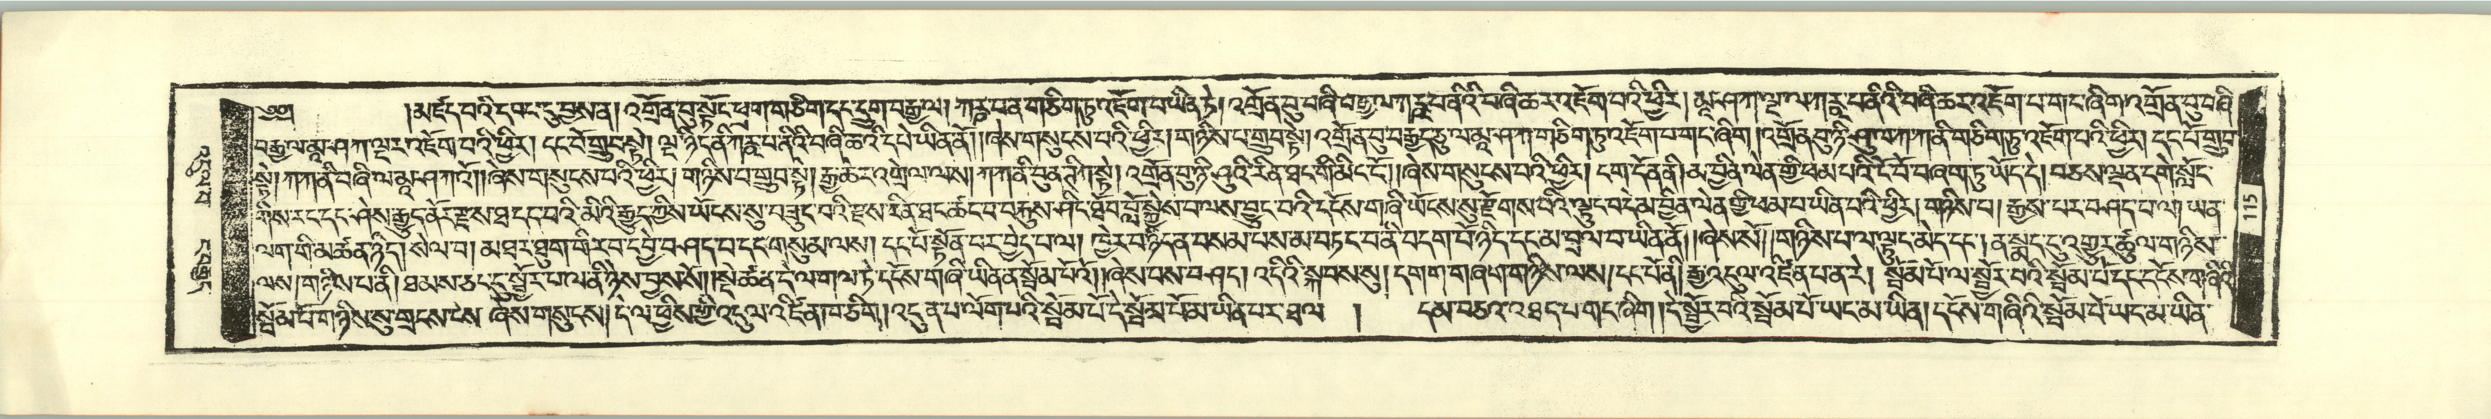༄༅། །མཛད་པའི་དབང་དུ་བྱས་ན། འགྲོན་བུ་སྟོང་ཕྲག་གཅིག་དང་དྲུག་བརྒྱ་ལ། ཀརྵ་པ་ན་གཅིག་ཏུ་འཇོག་པ་ཡིན་ཏེ། འགྲོན་བུ་བཞི་བརྒྱ་ལ་ཀརྵ་པ་ནིའི་བཞི་ཆར་འཇོག་པའི་ཕྱིར། མཱ་ཤ་ཀ་ལྔ་ལ་ཀརྵ་པ་ནིའི་བཞི་ཆར་འཇོག་པ་གང་ཞིག་འགྲོན་བུ་བཞི་
བརྒྱ་ལ་མཱ་ཤ་ཀ་ལྔར་འཇོག་པའི་ཕྱིར། དང་པོ་གྲུབ་སྟེ། ལྔ་ཉིད་ནི་ཀརྵ་པ་ནིའི་བཞི་ཆའི་དཔེ་ཡིན་ནོ། །ཞེས་གསུངས་པའི་ཕྱིར། གཉིས་པ་གྲུབ་སྟེ། འགྲོན་བུ་བརྒྱད་ཅུ་ལ་མཱ་ཤ་ཀ་གཅིག་ཏུ་འཇོག་པ་གང་ཞིག །འགྲོན་བུ་ཉི་ཤུ་ལ་ཀ་ཀ་ནི་གཅིག་ཏུ་འཇོག་པའི་ཕྱིར། དང་པོ་གྲུབ་
སྟེ། ཀ་ཀ་ནི་བཞི་ལ་མཱ་ཤ་ཀའོ། །ཞེས་གསུངས་པའི་ཕྱིར། གཉིས་པ་གྲུབ་སྟེ། རྒྱ་ཆེར་འགྲེལ་ལས། ཀ་ཀ་ནི་བུན་ཊིཀ་སྟེ། འགྲོན་བུ་ཉི་ཤུའི་རིན་ཐང་གི་མིང་ངོ། །ཞེས་གསུངས་པའི་ཕྱིར། ངག་དོན་ནི། མ་བྱིན་ལེན་གྱི་ཕམ་པའི་ངོ་བོ་བཞག་ཏུ་ཡོད་དེ། བཅས་ལྡན་དགེ་སློང་
གིས་རང་དང་ཤེས་རྒྱུད་ནོར་རྫས་ཐ་དད་བའི་མིའི་རྒྱུད་ཀྱིས་ཡོངས་སུ་བཟུང་བའི་རྫས་རིན་ཐང་ཚང་བ་བརྐུས་ཤིང་ཐོབ་བློ་སྐྱེས་བ་ལས་བྱུང་བའི་དངོས་གཞི་ཡོངས་སུ་རྫོགས་པའི་ལྟུང་བ་དེ་མ་བྱིན་ལེན་གྱི་ཕམ་པ་ཡིན་པའི་ཕྱིར། གཉིས་པ། རྒྱས་པར་བཤད་པ་ལ། ཡན་
ལག་གི་མཚན་ཉིད། སེལ་བ། མཐར་ཐུག་གི་རབ་དབྱེ་བཤད་པ་དང་གསུམ་ལས། དང་པོ་སྟོན་པར་བྱེད་པ་ལ། ཁྱེར་བ་ཉིད་ན་བསམ་པས་མ་བཏང་བ་ནི་བདག་པོ་ཉིད་དང་མ་བྲལ་བ་ཡིན་ནོ། །ཞེས་སོ། །གཉིས་པ་ལ་ལྟུང་མེད་དང་། ན་སྨད་དུ་འགྱུར་ཚུལ་གཉིས་
ལས༑ གཉིས་པ་ནི། ཐམས་ཅད་དུ་སྦྱོར་པ་ལ་ནི་ཉེས་བྱས་སོ། །སྡེ་ཚན་དེ་ལ་གལ་ཏེ་དངོས་གཞི་ཡིན་ན་སྦོམ་པོའོ། །ཞེས་པས་བཤད། འདིའི་སྐབས་སུ། དགག་གཞག་གཉིས་ལས། དང་པོ་ནི། རྒྱ་འདུལ་འཛིན་པ་ན་རེ། སྦོམ་པོ་ལ་སྦྱོར་བའི་སྦོམ་པོ་དང་དངོས་གཞིའི་
སྦོམ་པོ་གཉིས་སུ་གྲངས་ངེས་ཞེས་གསུངས། དེ་ལ་ཕྱིས་གྱི་འདུལ་འཛིན་ཁ་ཅིག །འདུན་པ་ལོག་པའི་སྦོམ་པོ་དེ་སྦོམ་པོ་མ་ཡིན་པར་ཐལ། དམ་བཅའ་འཐད་པ་གང་ཞིག །དེ་སྦྱོར་བའི་སྦོམ་པོ་ཡང་མ་ཡིན། དངོས་གཞིའི་སྦོམ་པོ་ཡང་མ་ཡིན་